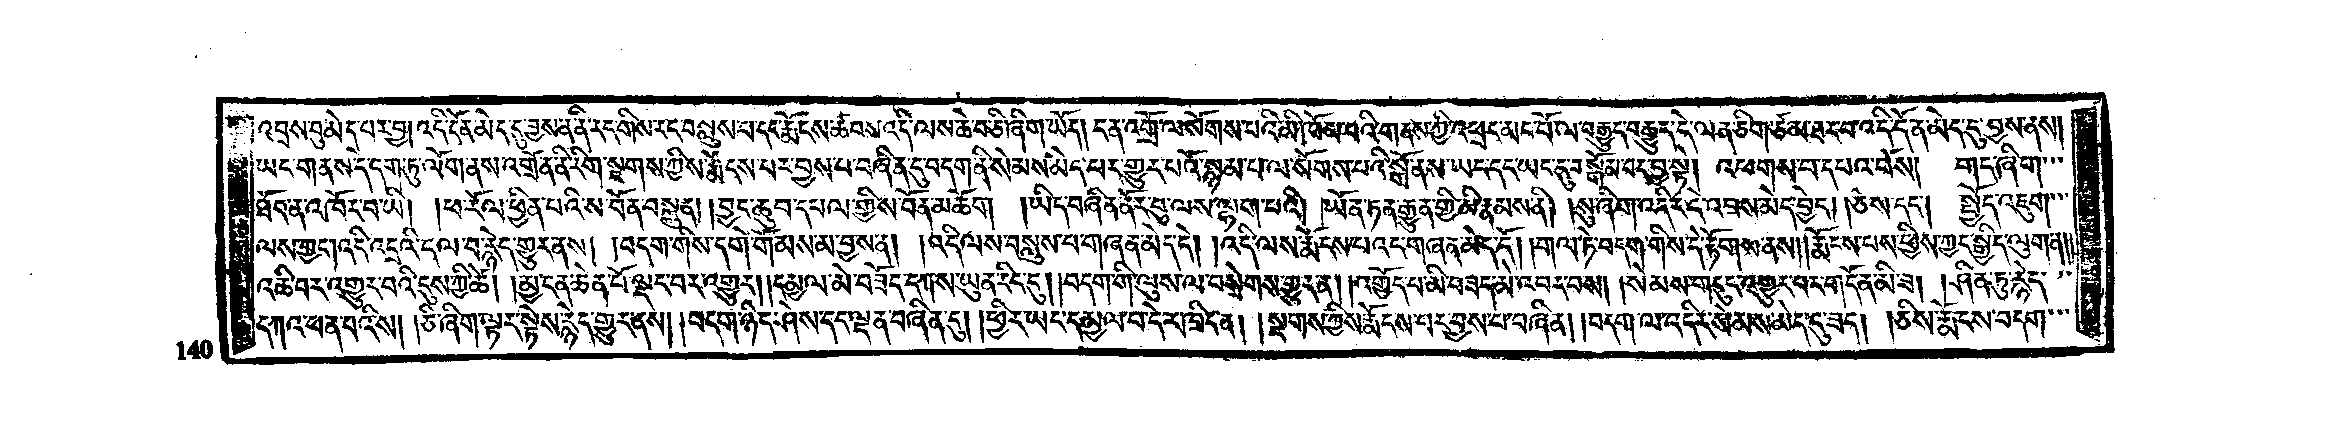འབྲས་བུ་མེད་པར་བྱ། འདི་དོན་མེད་དུ་བྱས་ན་ནི་རང་གིས་རང་བསླུས་པ་དང་རྨོངས་ཚབས་འདི་ལས་ཆེ་བ་ཅི་ཞིག་ཡོད། ངན་འགྲོ་ལ་སོགས་པའི་མི་ཁོམ་པའི་གནས་ཀྱི་འཕྲང་མང་པོ་ལ་བརྒྱུད་བརྒྱུད་དེ་ལན་ཅིག་ཙམ་ཐར་བ་འདི་དོན་མེད་དུ་བྱས་ནས།
ཡང་གནས་དེ་དག་ཏུ་ལོག་ནས་འགྲོན་ནི་རིག་སྔགས་ཀྱིས་རྨོངས་པར་བྱས་པ་བཞིན་དུ་བདག་ནི་སེམས་མེད་པར་གྱུར་པའོ་སྙམ་པ་ལ་སོགས་པའི་སྒོ་ནས་ཡང་དང་ཡང་དུ་བསྒོམ་པར་བྱ་སྟེ། འཕགས་པ་དཔའ་བོས། གང་ཞིག་
ཐོབ་ན་འཁོར་བ་ཡི། །ཕ་རོལ་ཕྱིན་པའི་ས་བོན་བསྐྲུན། །བྱང་ཆུབ་དཔལ་གྱི་ས་བོན་མཆོག །ཡིད་བཞིན་ནོར་བུ་ལས་ལྷག་པའི། །ཡོན་ཏན་རྒྱུན་གྱི་མི་རྣམས་ནི། །སུ་ཞིག་འདིར་དེ་འབྲས་མེད་བྱེད། །ཅེས་དང་། སྤྱོད་འཇུག་
ལས་ཀྱང་།འདི་འདྲའི་དལ་བ་རྙེད་གྱུར་ནས། །བདག་གིས་དགེ་གོམས་མ་བྱས་ན། །འདི་ལས་བསླུས་པ་གཞན་མེད་དེ། །འདི་ལས་རྨོངས་པའང་གཞན་མེད་དོ། །གལ་ཏེ་བདག་གིས་དེ་རྟོགས་ནས། །རྨོངས་པས་ཕྱིས་ཀྱང་སྒྱིད་ལུག་ན། །
འཆི་བར་འགྱུར་བའི་དུས་ཀྱི་ཚེ། །མྱ་ངན་ཆེན་པོ་ལྡང་བར་འགྱུར། །དམྱལ་མེ་བཟོད་དཀས་ཡུན་རིང་དུ། །བདག་གི་ལུས་ལ་བསྲེགས་གྱུར་ན། །འགྱོད་པ་མི་བཟད་མེ་འབར་བས། །སེམས་གདུང་འགྱུར་བར་གདོན་མི་ཟ། །ཤིན་ཏུ་རྙེད་
དཀའ་ཕན་པའི་ས། །ཅི་ཞིག་ལྟར་སྟེས་རྙེད་གྱུར་ནས། །བདག་ཉིད་ཤེས་དང་ལྡན་བཞིན་དུ། །ཕྱིར་ཡང་དམྱལ་བ་དེར་ཁྲིད་ན། །སྔགས་ཀྱིས་རྨོངས་པར་བྱས་པ་བཞིན། །བདག་ལ་འདིར་སེམས་མེད་དུ་ཟད། །ཅིས་རྨོངས་བདག་